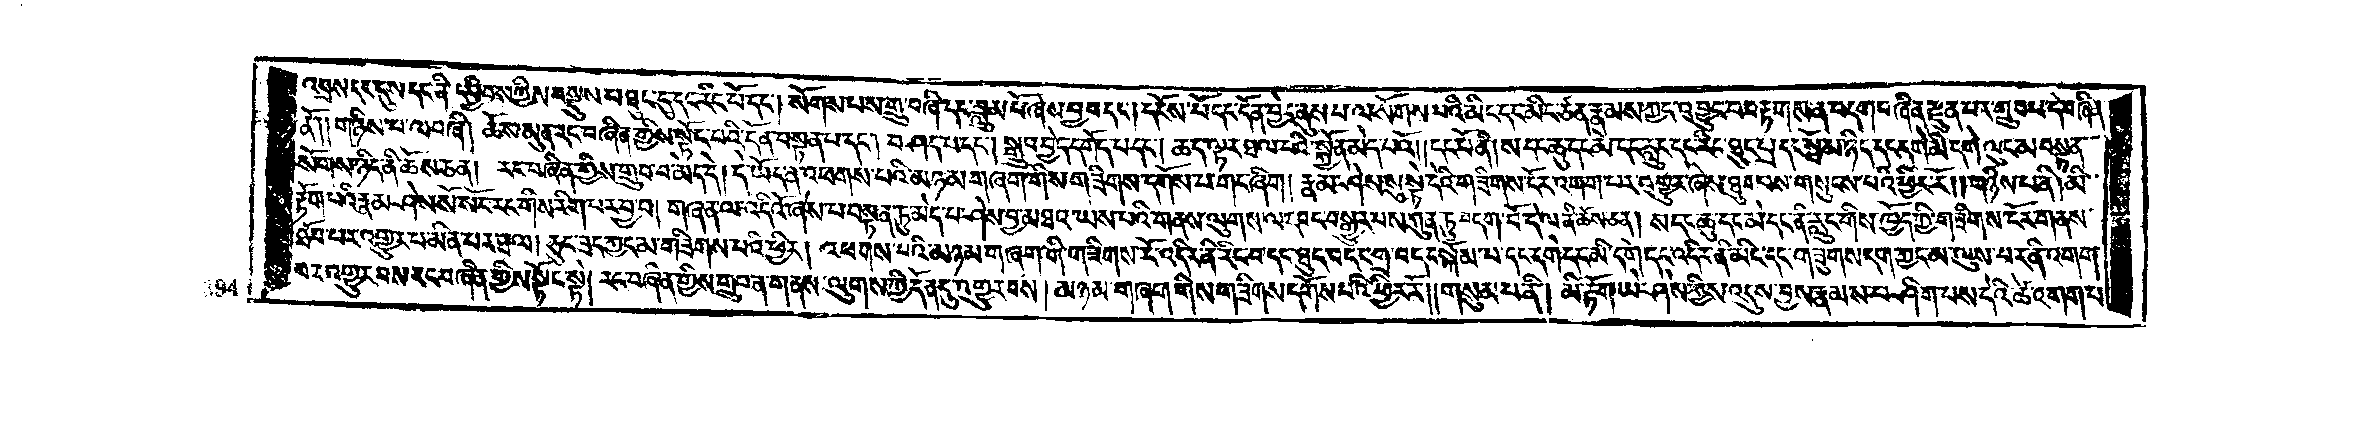འབྲས་དང་དུས་དང་ནི་དབྱིབས་ཀྱིས་བསྡུས་པ་ཐུང་ངུ་དང་རིང་པོ་དང་། སོགས་པས་གྲུ་བཞི་དང་ཟླུམ་པོ་ཞེས་བྱ་བ་དང་། དངོས་པོ་དང་དོན་བྱེད་ནུས་པ་ལ་སོགས་པའི་མིང་དང་མིང་ཙན་རྣམས་ཀྱང་འབྱུང་བ་བརྟགས་ན་བདག་བཞིན་རྫུན་པར་གྲུབ་པ་དེ་བཞིན་
ནོ། །གཉིས་པ་ལ་བཞི། ཆོས་མུན་རང་བཞིན་གྱིས་སྟོང་པའི་དོན་བསྟན་པ་དང་། བཤད་པ་དང་། སྒྲུབ་བྱེད་དགོད་པ་དང་། ཆད་ལྟར་ཐལ་བའི་སྐྱོན་མེད་པའོ། །དང་པོ་ནི། ས་དང་ཆུ་དང་མེ་དང་རླུང་དང་རིང་ཐུང་ཕྲ་དང་སྦོམ་ཉིད་དང་དགེ་མི་དགེ་ལུང་མ་བསྟན་
སོགས་ཉིད་ནི་ཆོས་ཅན། རང་བཞིན་གྱིས་གྲུབ་པ་མེད་དེ། དེ་ཡོད་ན་འཕགས་པའི་མཉམ་གཞག་གིས་གཟིགས་དགོས་པ་གང་ཞིག །རྣམ་ཤེས་སུ་སྟེ་དེའི་གཟིགས་ངོར་འགག་པར་འགྱུར་ཞེས་ཐུབ་པས་གསུངས་པའི་ཕྱིར་རོ། །གཉིས་པ་ནི། མི་
རྟོག་པའི་རྣམ་ཤེས་སོ་སོར་རང་གིས་རིག་པར་བྱ་བ། གཞན་ལ་འདིའོ་ཞེས་པ་བསྟན་ཏུ་མེད་པ་ཤེས་བྱ་མཐའ་ཡས་པའི་གནས་ལུགས་ལ་དབང་བསྒྱུར་བས་ཀུན་ཏུ་བདག་པོ་དེ་ལ་ནི་ཆོས་ཅན། ས་དང་ཆུ་དང་མེད་དང་ནི་རླུང་གིས་ཁྱོད་ཀྱི་གཟིགས་ངོར་གནས་
ཐོབ་པར་འགྱུར་བ་མིན་པར་ཐལ། ཅུང་ཟད་ཀྱང་མ་གཟིགས་པའི་ཕྱིར་རོ། འཕགས་པའི་མཉམ་གཞག་གི་གཟིགས་ངོ་འདིར་ནི་རིང་བ་དང་ཐུང་བ་དང་གྲ་བ་དང་སྐོམ་པ་དང་དགེ་དང་མི་དགེ་དང་འདིར་ནི་མིང་དང་གཟུགས་དག་ཀྱང་མ་ལུས་པར་ནི་འགག་
པར་འགྱུར་བས་རང་བཞིན་གྱིས་སྟོང་སྟེ། རང་བཞིན་གྱིས་གྲུབ་ན་གནས་ལུགས་ཀྱི་དོན་དུ་འགྱུར་བས། མཉམ་གཞག་གིས་གཟིགས་དགོས་པའི་ཕྱིར་རོ། །གསུམ་པ་ནི། མི་རྟོག་ཡེ་ཤེས་ཀྱིས་འདུས་བྱས་རྣམས་བཤིག་པས་དེའི་ཚེ་འགག་པ་